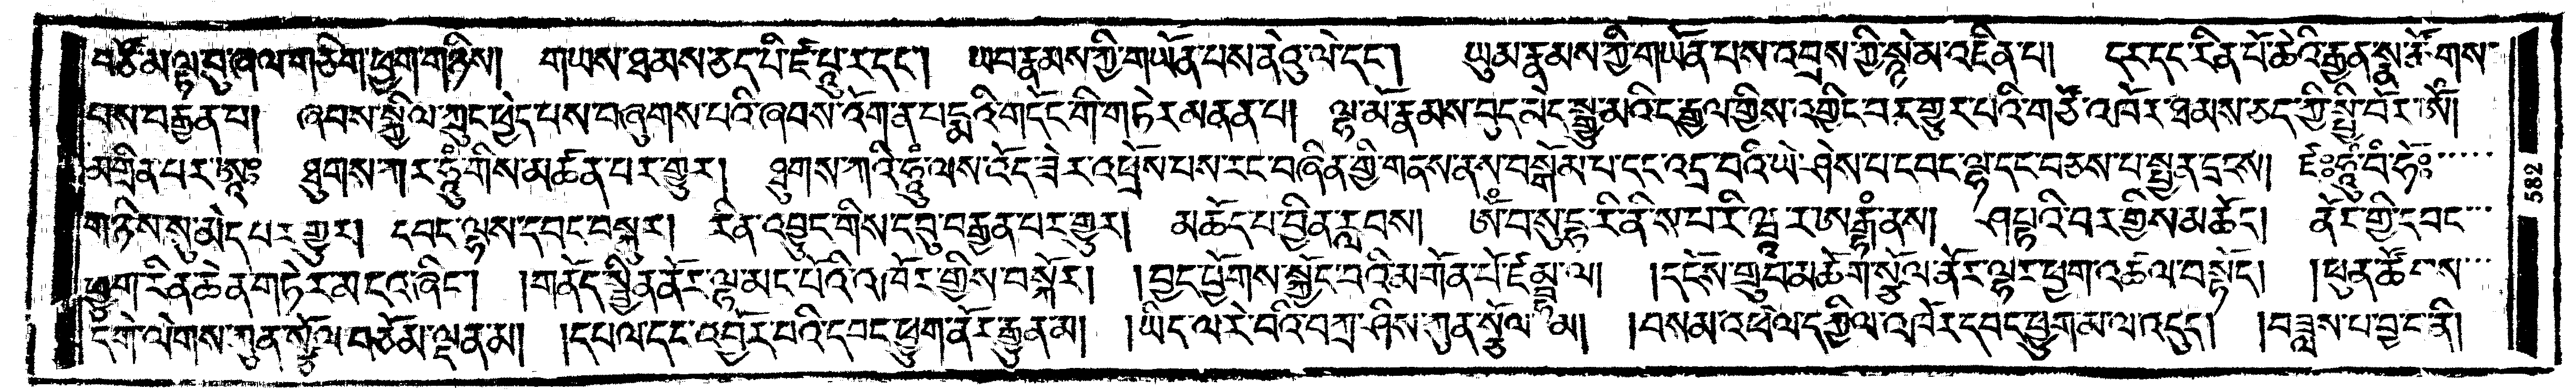བཙོམ་ལྟ་བུ་ཞལ་གཅིག་ཕྱག་གཉིས། གཡས་ཐམས་ཅད་པི་ཛ་པཱུ་ར་དང་། ཡབ་རྣམས་ཀྱི་གཡོན་པས་ནེའུ་ལེ་དང་། ཡུམ་རྣམས་ཀྱི་གཡོན་པས་འབྲས་ཀྱི་སྙེ་མ་འཛིན་པ། དར་དང་རིན་པོ་ཆེའི་རྒྱན་སྣ་ཚོགས་
བས་བརྒྱན་པ། ཞབས་སྐྱིལ་ཀྲུང་ཕྱེད་པས་བཞུགས་པའི་ཞབས་འོག་ན་པདམའི་གདོང་གི་གཏེར་མནན་པ། ལྷ་མོ་རྣམས་བུད་མེད་སྒྱུ་མའི་ང་རྒྱལ་གྱིས་འགྱིང་བར་གྱུར་པའི་གཙོ་འཁོར་ཐམས་ཅད་ཀྱི་སྤྱི་བོར་ཨོཾ།
མགྲིན་པར་ཨཱཿ ཐུགས་ཀར་ཧཱུཾ་གིས་མཚན་པར་གྱུར། ཐུགས་ཀའི་ཧཱུཾ་ལས་འོད་ཟེར་འཕྲོས་པས་རང་བཞིན་གྱི་གནས་ནས་བསྒོམ་པ་དང་འདྲ་བའི་ཡེ་ཤེས་པ་དབང་ལྷ་དང་བཅས་པ་སྤྱན་དྲངས། ཛཿ ཧཱུཾ་བཾ་ཧོཿ
གཉིས་སུ་མེད་པར་གྱུར། དབང་ལྷས་དབང་བསྐུར། རིན་འབྱུང་གིས་དབུ་བརྒྱན་པར་གྱུར། མཆོད་པ་བྱིན་རླབས། ཨོཾ་བ་སུདྟ་རི་ནི་ས་པ་རི་ཝཱ་ར་ཨརྒྷཾ་ནས། ཤཔྟའི་བར་གྱིས་མཆོད། ནོར་གྱི་དབང་
ཕྱུག་རིན་ཆེན་གཏེར་མངའ་ཞིང་། །གནོད་སྦྱིན་ནོར་ལྷ་མང་པོའི་འཁོར་གྱིས་བསྐོར། །བྱང་ཕྱོགས་སྐྱོང་བའི་མགོན་པོ་ཛམྦྷ་ལ། །དངོས་གྲུབ་མཆོག་སྩོལ་ནོར་ལྷར་ཕྱག་འཚལ་བསྟོད། །ཕུན་ཚོགས་
དགེ་ལེགས་ཀུན་སྩོལ་བཅོམ་ལྡན་མ། །དཔལ་དང་འབྱོར་བའི་དབང་ཕྱུག་ནོར་རྒྱུན་མ། །ཡིད་ལ་རེ་བའི་བཀྲ་ཤིས་ཀུན་སྩོལ་མ། །བསམ་འཕེལ་དཀྱིལ་འཁོར་དབང་ཕྱུག་མ་ལ་འདུད། །བཟླས་པ་བྱང་ནི།